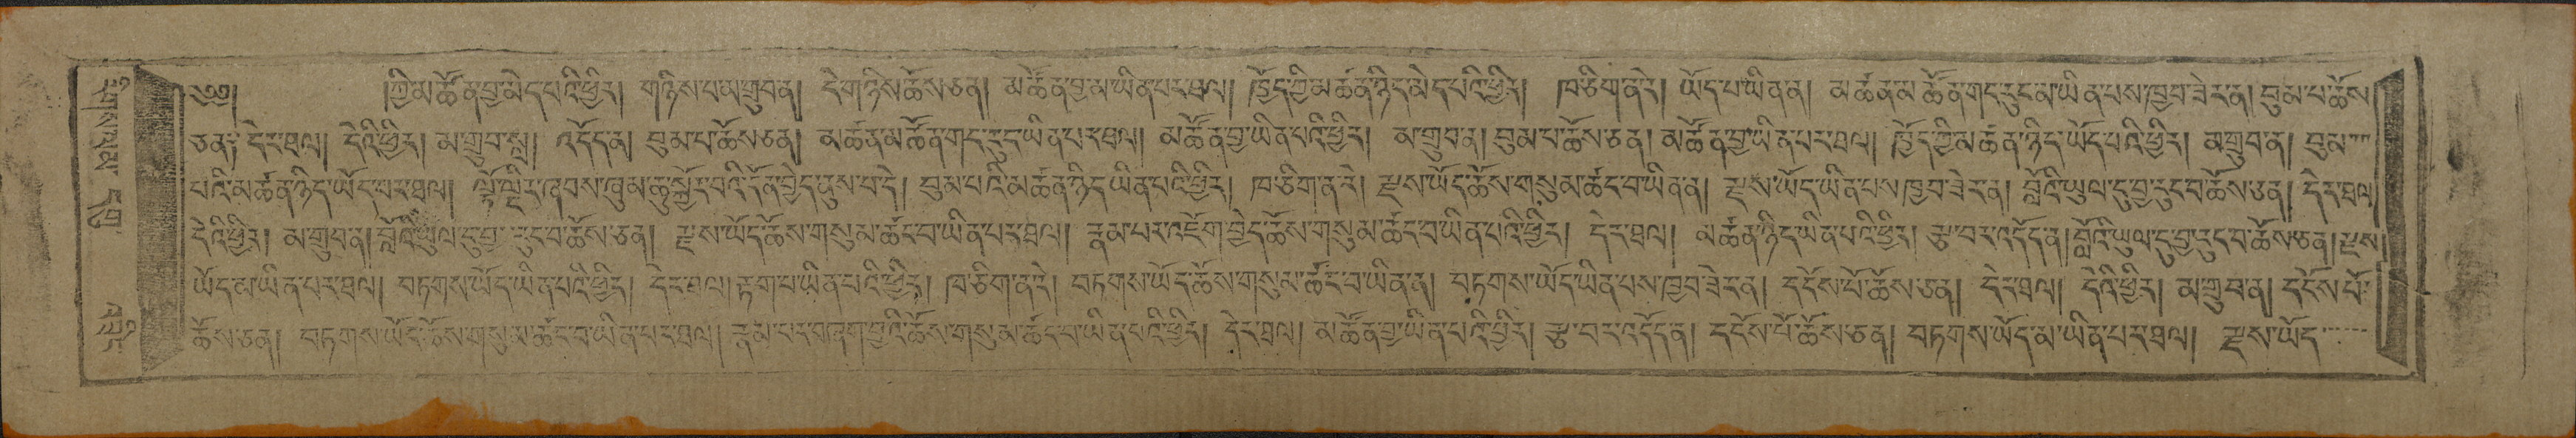༄༅། །ཀྱི་མཚོན་བྱ་མེད་པའི་ཕྱིར། གཉིས་པ་མ་གྲུབ་ན། དེ་གཉིས་ཆོས་ཅན། མཚོན་བྱ་མ་ཡིན་པར་ཐལ། ཁྱོད་ཀྱི་མཚན་ཉིད་མེད་པའི་ཕྱིར། ཁ་ཅིག་ན་རེ། ཡོད་པ་ཡིན་ན། མཚན་མཚོན་གང་རུང་མ་ཡིན་པས་ཁྱབ་ཟེར་ན། བུམ་པ་ཆོས་
ཅན༑ དེར་ཐལ། དེའི་ཕྱིར། མ་གྲུབ་སླ། འདོད་ན། བུམ་པ་ཆོས་ཅན། མཚན་མཚོན་གང་རུང་ཡིན་པར་ཐལ། མཚོན་བྱ་ཡིན་པའི་ཕྱིར། མ་གྲུབ་ན། བུམ་པ་ཆོས་ཅན། མཚོན་བྱ་ཡིན་པར་ཐལ། ཁྱོད་ཀྱི་མཚན་ཉིད་ཡོད་པའི་ཕྱིར། མ་གྲུབ་ན། བུམ་
པའི་མཚན་ཉིད་ཡོད་པར་ཐལ། ལྟོ་ལྡིར་ཞབས་ཞུམ་ཆུ་སྐྱོར་བའི་དོན་བྱེད་ནུས་པ་དེ། བུམ་པའི་མཚན་ཉིད་ཡིན་པའི་ཕྱིར། ཁ་ཅིག་ན་རེ། རྫས་ཡོད་ཆོས་གསུམ་ཚང་བ་ཡིན་ན། རྫས་ཡོད་ཡིན་པས་ཁྱབ་ཟེར་ན། བློའི་ཡུལ་དུ་བྱ་རུང་བ་ཆོས་ཅན། དེར་ཐལ།
དེའི་ཕྱིར། མ་གྲུབ་ན། བློའི་ཡུལ་དུ་བྱ་རུང་བ་ཆོས་ཅན། རྫས་ཡོད་ཆོས་གསུམ་ཚང་བ་ཡིན་པར་ཐལ། རྣམ་པར་འཇོག་བྱེད་ཆོས་གསུམ་ཚང་བ་ཡིན་པའི་ཕྱིར། དེར་ཐལ། མཚན་ཉིད་ཡིན་པའི་ཕྱིར། རྩ་བར་འདོད་ན། བློའི་ཡུལ་དུ་བྱ་རུང་བ་ཆོས་ཅན། རྫས་
ཡོད་མ་ཡིན་པར་ཐལ། བཏགས་ཡོད་ཡིན་པའི་ཕྱིར། དེར་ཐལ། རྟག་པ་ཡིན་པའི་ཕྱིར། ཁ་ཅིག་ན་རེ། བཏགས་ཡོད་ཆོས་གསུམ་ཚང་བ་ཡིན་ན། བཏགས་ཡོད་ཡིན་པས་ཁྱབ་ཟེར་ན། དངོས་པོ་ཆོས་ཅན། དེར་ཐལ། དེའི་ཕྱིར། མ་གྲུབ་ན། དངོས་པོ་
ཆོས་ཅན། བཏགས་ཡོད་ཆོས་གསུམ་ཚང་བ་ཡིན་པར་ཐལ། རྣམ་པར་བཞག་བྱའི་ཆོས་གསུམ་ཚང་བ་ཡིན་པའི་ཕྱིར། དེར་ཐལ། མཚོན་བྱ་ཡིན་པའི་ཕྱིར། རྩ་བར་འདོད་ན། དངོས་པོ་ཆོས་ཅན། བཏགས་ཡོད་མ་ཡིན་པར་ཐལ། རྫས་ཡོད་